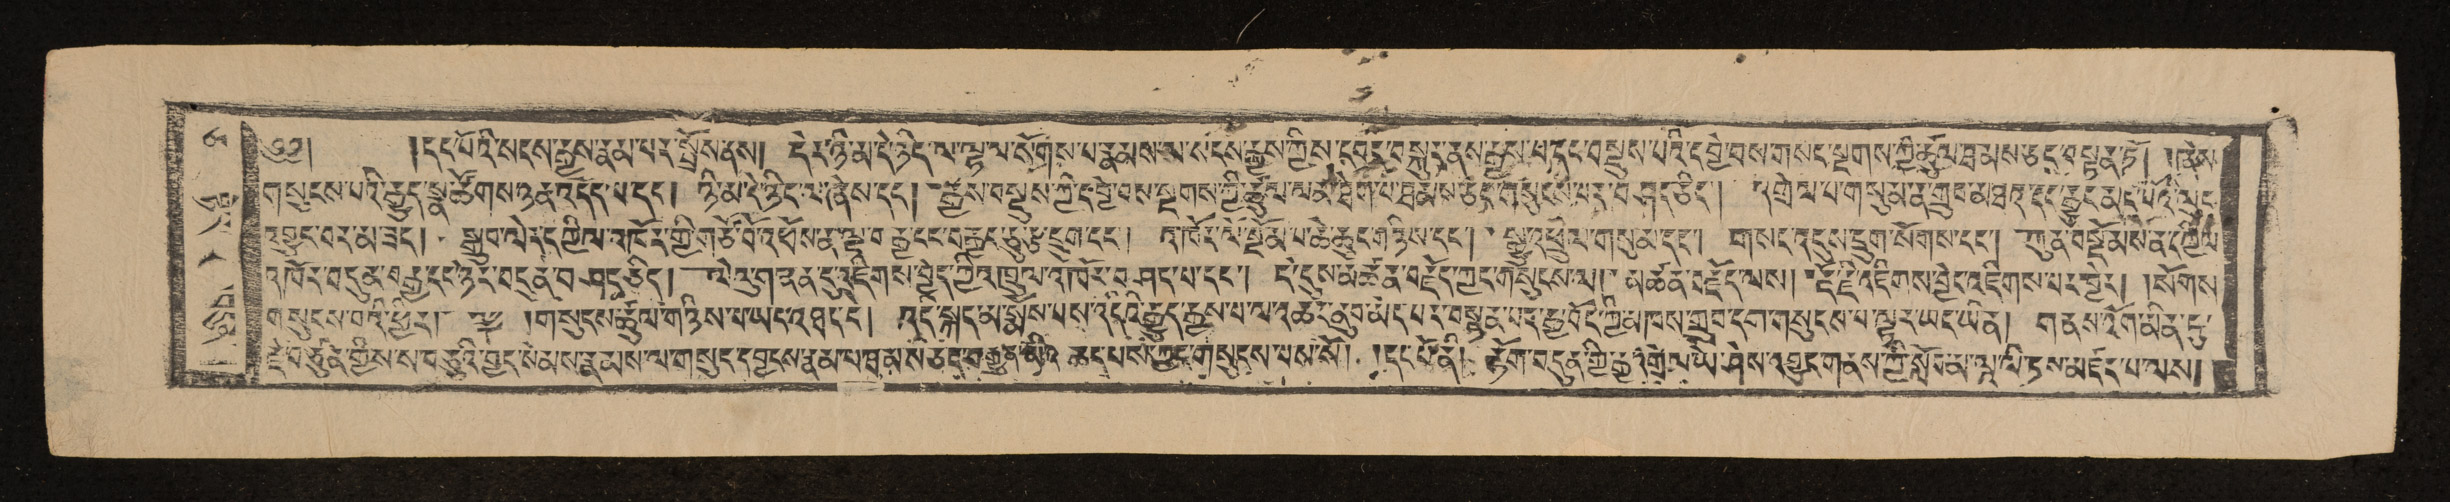༄༅། །དང་པོའི་སངས་རྒྱས་རྣམ་པར་སྤྲོས་ནས། དེར་ཉི་མ་དེ་ཉིད་ལ་ལྷ་ལ་སོགས་པ་རྣམས་ལ་སངས་རྒྱས་ཀྱིས་དབང་བསྐུར་ནས་རྒྱས་པ་དང་བསྡུས་པའི་དབྱེ་བས་གསང་སྔགས་ཀྱི་ཚུལ་ཐམས་ཅད་བསྟན་ཏོ། །ཞེས་
གསུངས་པའི་རྒྱུད་སྣ་ཚོགས་ཉན་འདོད་པ་དང་། ཉི་མ་དེ་ཉིད་ལ་ཞེས་དང་། རྒྱས་བསྡུས་ཀྱི་དབྱེ་བས་སྔགས་ཀྱི་ཚུལ་ལམ་ཐེག་པ་ཐམས་ཅད་གསུངས་པར་བཤད་ཅིང་། འགྲེལ་པ་གསུམ་ན་གྲུབ་མཐའ་དང་རྒྱུད་མང་པོའི་ལུང་
འབྱུང་བར་མ་ཟད། སྒྲུབ་ལེར་དཀྱིལ་འཁོར་གྱི་གཙོ་བོ་འཕོས་ན་ལྔ་བརྒྱ་དང་བརྒྱད་ཅུ་རྩ་དྲུག་དང་། འཁོར་ལོ་སྡོམ་པ་ཆེ་ཆུང་གཉིས་དང་། སྒྱུ་འཕྲུལ་གསུམ་དང་། གསང་འདུས་དྲུག་སོགས་དང་། ཀུན་བསྡོམས་ན་དཀྱིལ་
འཁོར་བདུན་བརྒྱ་དང་ཉེར་བདུན་བཤད་ཅིང་། ལེའུ་གཞན་དུ་འཇིགས་བྱེད་ཀྱི་འཁྲུལ་འཁོར་བཤད་པ་དང་། དེ་དུས་མཚན་བརྗོད་ཀྱང་གསུངས་ལ། མཚན་བརྗོད་ལས། རྡོ་རྗེ་འཇིགས་བྱེད་འཇིགས་པར་བྱེད། །སོགས་
གསུངས་པའི་ཕྱིར། ༈ །གསུངས་ཚུལ་གཉིས་པ་ཡང་འཐད་དེ། འདི་སྐད་མ་སྨོས་པས་འདིའི་རྒྱུད་རྒྱས་པ་ལ་འཆར་ནུབ་མེད་པར་བསྟན་པར་རྒྱ་བོད་ཀྱི་མཁས་གྲུབ་དག་གསུངས་པ་ལྟར་ཡང་ཡིན། གནས་འོག་མིན་ཏུ་
རྗེ་བཙུན་གྱིས་ས་བཅུའི་བྱང་སེམས་རྣམས་ལ་གསུང་དབྱངས་རྣམ་པ་ཐམས་ཅད་པ་རྒྱུན་མི་འཆད་པས་ཀྱང་གསུངས་པས་སོ། །དང་པོ་ནི། རྟོག་བདུན་གྱི་རྒྱ་འགྲེལ་ཡེ་ཤེས་འབྱུང་གནས་ཀྱི་སློབ་མ་ལཱ་ལི་ཏས་མཛད་པ་ལས།